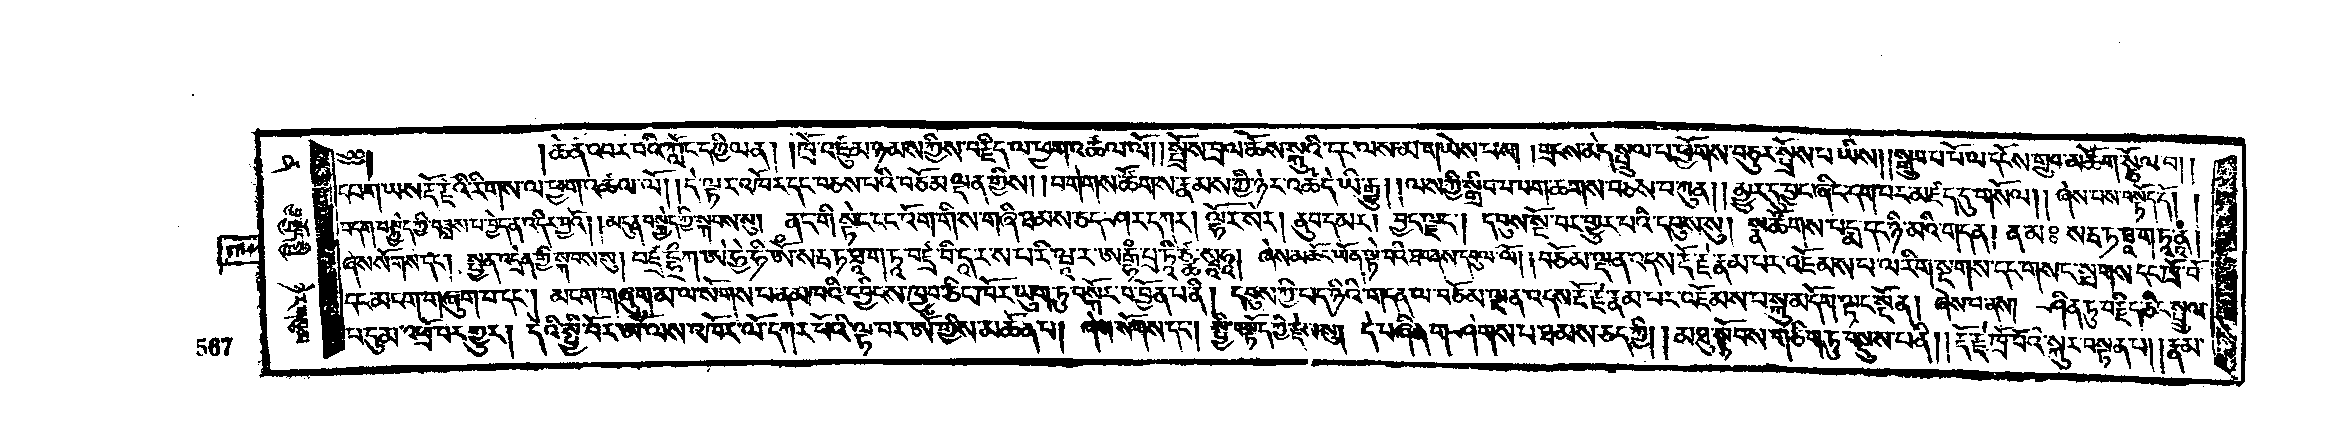༄༅། །ཆེན་འབར་བའི་ཀློང་དཀྱིལ་ན། །ཁྲོ་འཛུམ་ཉམས་ཀྱིས་བརྗེད་ལ་ཕྱག་འཚལ་ལོ། །སྤྲོས་བྲལ་ཆོས་སྐུའི་ངང་ལས་མ་གཡོས་པར། །གྲངས་མེད་སྤུལ་པ་ཕྱོགས་བཅུར་སྤྲོས་པ་ཡིས། །སྒྲུབ་པ་པོ་ལ་དངོས་གྲུབ་མཆོག་སྩོལ་བ། །
དཔག་ཡས་རྡོ་རྗེའི་རིགས་ལ་ཕྱག་འཚལ་ལོ། །དེ་ལྟར་འཁོར་དང་བཅས་པའི་བཅོམ་ལྡན་གྱིས། །བགེགས་ཚོགས་རྣམས་ཀྱི་ཉེར་འཚེ་དེ་ཡི་རྒྱུ། །ལས་ཀྱི་སྒྲིབ་པ་བག་ཆགས་བཅས་པ་ཀུན། །མྱུར་དུ་བྱང་ཞིང་དག་པར་མཛད་དུ་གསོལ། །ཞེས་པས་བསྟོད་དོ། །
བདག་བསྐྱེད་ཀྱི་བཟླས་པ་བྱེད་ན་འདིར་བྱའོ། །མདུན་བསྐྱེད་ཀྱི་སྐབས་སུ། ནང་གི་སྟེང་དང་འོག་གི་ས་གཞི་ཐམས་ཅད་ཤར་དཀར། ལྷོར་སེར། ནུབ་དམར། བྱང་ལྡང་། དབུས་སྔོ་བར་གྱུར་པའི་དབུས་སུ། སྣ་ཚོགས་པདམ་དང་ཉི་མའི་གདན། ན་མཿ སརྦ་ཏ་ཐཱ་ག་ཏཱ་ནཱཾ།
ཞེས་སོགས་དང་། སྤྱན་འདྲེན་གྱིས་སྐབས་སུ། བཛྲ་དྷྲྀཀ་ཨེ་ཧྱེ་ཧི་ཨོཾ་སརྦ་ཏ་ཐཱ་ག་བཛྲེ་བི་དཱ་ར་ས་པ་རི་ཝཱ་ར་ཨརྒྷཾ་པྲ་ཏཱི་ཙྪ་སྭཱ་ཧཱ། ཞེས་མཆོད་ཡོན་ལྟེ་བའི་ཐད་ནས་དབུལ་ལོ།  །བཅོམ་ལྡན་འདས་རྡོ་རྗེ་རྣམ་པར་འཇོམས་པ་ལ་རིག་སྔགས་དང་གསང་སྔགས་དང་ཁྲོ་བོ་
དང་མངག་གཞུག་པ་དང་། མངག་གཞུག་མ་ལ་སོགས་པ་ནམ་མཁའི་དབྱིངས་ཁྱབ་ཅིང་ཁོར་ཡུག་ཏུ་བསྐོར་བ་བྱོན་པ་ནི། དབུས་ཀྱི་པད་ཉིའི་གདན་ལ་བཅོམ་ལྡན་འདས་རྡོ་རྗེ་རྣམ་པར་འཇོམས་པ་སྐུ་མདོག་ལྗང་སྔོན། ཞེས་པ་ནས།  ཤིན་ཏུ་བརྗིད་ཅིང་སྤྲུལ་
པ་དུ་མ་འཕྲོ་བར་གྱུར། དེའི་སྤྱི་བོར་ཨོཾ་ལས་འཁོར་ལོ་དཀར་པོའི་ལྟེ་བར་ཨོཾ་གྱིས་མཚན་པ། ཞེས་སོགས་དང་། སྤྱི་བསྟོད་ཀྱི་རྗེས་སུ།  དེ་བཞིན་གཤེགས་པ་ཐམས་ཅད་ཀྱི། །མཐུ་སྟོབས་གཅིག་ཏུ་བསྡུས་པ་ནི། །རྡོ་རྗེ་ཁྲོ་བོའི་སྐུར་བསྟན་པ། །རྣམ་